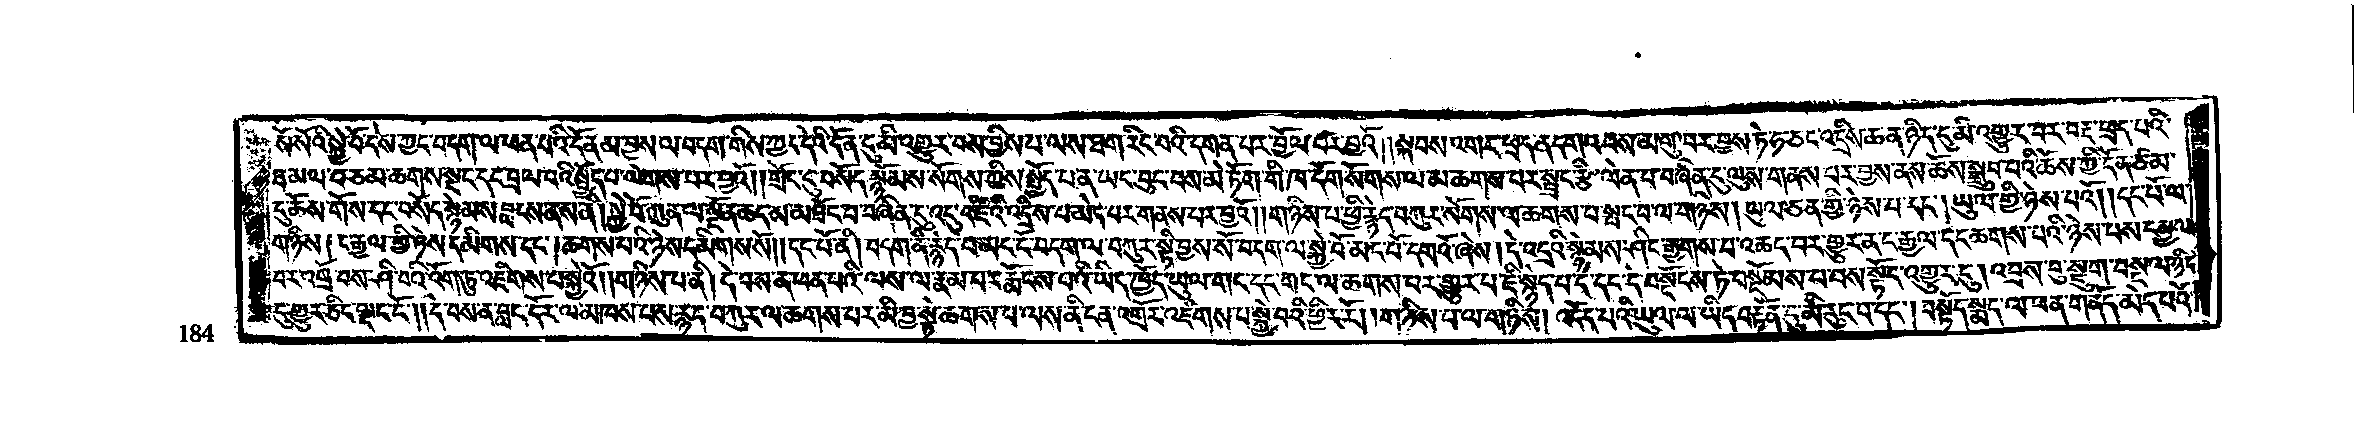སོ་སོའི་སྐྱེ་བོ་ངེ་ཀྱང་བདག་ལ་ཕན་པའི་དོན་མ་བྱས་ལ་བདག་གིས་ཀྱང་དེའི་དོན་དུ་མི་འགྱུར་བས་བྱིས་པ་ལས་ཐག་རིང་པའི་དགན་པར་བྱོལ་བར་བྱའོ། །སྐབས་འགར་ཕྲད་ན་དགའ་བས་མགུ་བར་བྱས་ཏེ་ཧ་ཅང་འདྲིས་ཆ་ན་ཉིད་དུ་མི་འགྱུར་བར་བརྡ་ཕྲད་པའི་
ཐ་མལ་པ་ཙམ་ཆགས་སྡང་དང་བྲལ་བའི་སྤྱོད་པ་ལེགས་པར་བྱའོ། །གྲོང་དུ་བསོད་སྙོམས་སོགས་ཀྱིས་སྤྱོད་པ་ན་ཡང་བུང་བས་མེ་ཏོག་གི་ཁ་དོག་སོགས་ལ་མ་ཆགས་པར་སྦྲང་རྩི་ལེན་པ་བཞིན་དུ་ལུས་གནས་པར་བྱས་ནས་ཆོས་སྒྲུབ་པའི་ཆོས་ཀྱི་དོན་ཙམ་
དུ་ཆོས་གོས་དང་བསོད་སྙོམས་བླངས་ནས་ནི། སྐྱེ་བོ་ཀུན་ལ་སྔོན་ཆད་མ་མཐོང་བ་བཞིན་དུ་འདུ་འཛིའི་འདྲིས་པ་མེད་པར་གནས་པར་བྱའོ། །གཉིས་པ་ཕྱི་རྙེད་བཀུར་སོགས་ལ་ཆགས་པ་སྤང་བ་ལ་གཉིས། ཡུལ་ཅན་གྱི་ཉེས་པ་དང་། ཡུལ་གྱི་ཉེས་པའོ། །དང་པོ་ལ་
གཉིས༑ ང་རྒྱལ་གྱི་ཉེས་དམིགས་དང་། ཆགས་པའི་ཉེས་དམིགས་སོ། །དང་པོ་ནི། བདག་ནི་རྙེད་པ་མང་ངོ་བདག་ལ་བཀུར་སྟི་བྱས་སོ་བདག་ལ་སྐྱེ་བོ་མང་པོ་དགའོ་ཞེས། དེ་འདྲའི་སྙེམས་ཤིང་རྒྱགས་པ་འཆད་པར་གྱུར་ན་ང་རྒྱལ་དང་ཆགས་པའི་ཉེས་པས་དམྱལ་
བར་འགྲོ་བས་ཤི་བའི་འོག་ཏུ་འཇིགས་པ་སྐྱེའོ། །གཉིས་པ་ནི། དེ་བས་ན་ཕན་པའི་ལས་ལ་རྣམ་པར་རྨོངས་པའི་ཡིད་ཁྱོད་ཡུལ་གང་དང་གང་ལ་ཆགས་པར་གྱུར་པ་ཇི་སྙེད་པ་དེད་དང་དེ་བསྡོངས་ཏེ་བསྡོམས་པ་བས་སྟོང་འགྱུར་དུ། འབྲས་བུ་སྡུག་བསྔལ་ཉིད་
དུ་འགྱུར་ཅིང་ལྡང་ངོ། །དེ་བས་ན་བླང་དོར་ལ་མཁས་པས་རྙད་བཀུར་ལ་ཆགས་པར་མི་བྱ་སྟེ་ཆགས་པ་ལས་ནི་ངན་འགྲོ་འཇིགས་པ་སྐྱེ་བའི་ཕྱིར་རོ། །གཉིས་པ་ལ་གཉིས། འདོད་པའི་ཡུལ་ལ་ཡིད་བརྟོན་དུ་མི་རུང་བ་དང་། བསྟོད་སྨད་ལ་ཕན་གནོད་མེད་པའོ། །